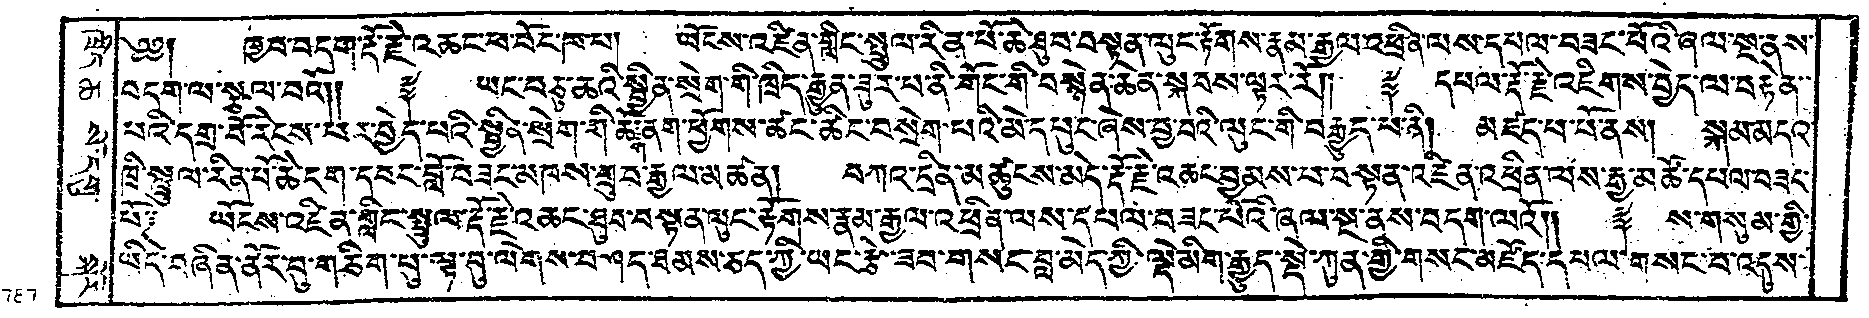༄༅། །ཁྱབ་བདག་རྡོ་རྗེ་འཆང་ཕ་བོང་ཁ་པ། ཡོངས་འཛིན་གླིང་སྤྲུལ་རིན་པོ་ཆེ་ཐུབ་བསྟན་ལུང་རྟོགས་རྣམ་རྒྱལ་འཕྲིན་ལས་དཔལ་བཟང་པོའི་ཞལ་སྔ་ནས་
བདག་ལ་སྩལ་བའོ།། ༈ ཡང་བཅུ་ཆའི་སྦྱིན་སྲེག་གི་ཁྲིད་རྒྱུན་ཟུར་པ་ནི་གོང་གི་བསྙེན་ཆེན་སྐབས་ལྟར་རོ།། ༈ དཔལ་རྡོ་རྗེ་འཇིགས་བྱེད་ལ་བརྟེན་
པའི་དགྲ་བོ་རེངས་པར་བྱེད་པའི་སྦྱིན་སྲེག་གི་ཆོ་ག་ནག་ཕྱོགས་ཚང་ཚིང་བསྲེག་པའི་མེ་དཔུང་ཞེས་བྱ་བའི་ལུང་གི་བརྒྱུད་པ་ནི། མཛད་པ་པོ་ནས། སྐམ་མདའ་
ཁྲི་སྤྲུལ་རིན་པོ་ཆེ་ངག་དབང་བློ་བཟང་མཁས་གྲུབ་རྒྱལ་མཚན། བཀའ་དྲིན་མཚུངས་མེད་རྡོ་རྗེ་འཆང་བྱམས་པ་བསྟན་འཛིན་འཕྲིན་ལས་རྒྱ་མཚོ་དཔལ་བཟང་
པོ༑ ཡོངས་འཛིན་གླིང་སྤྲུལ་རྡོ་རྗེ་འཆང་ཐུབ་བསྟན་ལུང་རྟོགས་རྣམ་རྒྱལ་འཕྲིན་ལས་དཔལ་བཟང་པོའི་ཞལ་སྔ་ནས་བདག་ལའོ།། ༈ ས་གསུམ་གྱི་
ཡིད་བཞིན་ནོར་བུ་གཅིག་པུ་ལྟ་བུ་ལེགས་བཤད་ཐམས་ཅད་ཀྱི་ཡང་རྩེ་ཟབ་གསང་བླ་མེད་ཀྱི་ལྡེ་མིག་རྒྱུད་སྡེ་ཀུན་གྱི་གསང་མཛོད་དཔལ་གསང་བ་འདུས་